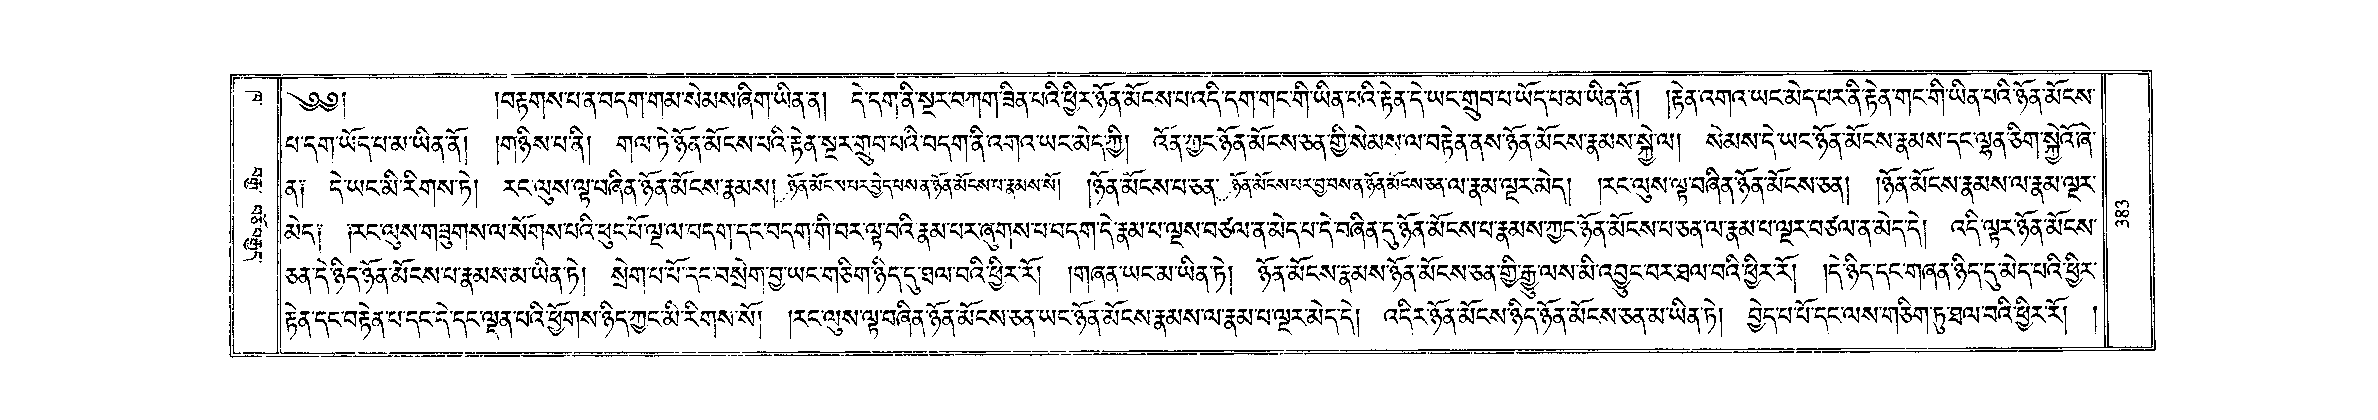༄༅། །བརྟགས་པ་ན་བདག་གམ་སེམས་ཞིག་ཡིན་ན། དེ་དག་ནི་སྔར་བཀག་ཟིན་པའི་ཕྱིར་ཉོན་མོངས་པ་འདི་དག་གང་གི་ཡིན་པའི་རྟེན་དེ་ཡང་གྲུབ་པ་ཡོད་པ་མ་ཡིན་ནོ། །རྟེན་འགའ་ཡང་མེད་པར་ནི་རྟེན་གང་གི་ཡིན་པའི་ཉོན་མོངས་
པ་དག་ཡོད་པ་མ་ཡིན་ནོ། །གཉིས་པ་ནི། གལ་ཏེ་ཉོན་མོངས་པའི་རྟེན་སྔར་གྲུབ་པའི་བདག་ནི་འགའ་ཡང་མེད་ཀྱི། འོན་ཀྱང་ཉོན་མོངས་ཅན་གྱི་སེམས་ལ་བརྟེན་ནས་ཉོན་མོངས་རྣམས་སྐྱེ་ལ། སེམས་དེ་ཡང་ཉོན་མོངས་རྣམས་དང་ལྷན་ཅིག་སྐྱེའོ་ཞེ་
ན༑ དེ་ཡང་མི་རིགས་ཏེ། རང་ལུས་ལྟ་བཞིན་ཉོན་མོངས་རྣམས། ཉོན་མོངས་པར་བྱེད་པས་ན་ཉོན་མོངས་པ་རྣམས་སོ།  །ཉོན་མོངས་པ་ཅན་ཉོན་མོངས་པར་བྱ་བས་ན་ཉོན་མོངས་ཅན་ལ་རྣམ་ལྔར་མེད། །རང་ལུས་ལྟ་བཞིན་ཉོན་མོངས་ཅན། །ཉོན་མོངས་རྣམས་ལ་རྣམ་ལྔར་
མེད༑ ༑རང་ལུས་གཟུགས་ལ་སོགས་པའི་ཕུང་པོ་ལྔ་ལ་བདག་དང་བདག་གི་བར་ལྟ་བའི་རྣམ་པར་ཞུགས་པ་བདག་དེ་རྣམ་པར་ཞུགས་པ་བདག་དེ་རྣམ་པ་ལྔས་བཙལ་ན་མེད་པ་དེ་བཞིན་དུ་ཉོན་མོངས་པ་རྣམས་ཀྱང་ཉོན་མོངས་པ་ཅན་ལ་རྣམ་པ་ལྔར་བཙལ་ན་མེད་དེ། འདི་ལྟར་ཉོན་མོངས་
ཅན་དེ་ཉིད་ཉོན་མོངས་པ་རྣམས་མ་ཡིན་ཏེ། སྲེག་པ་པོ་དང་བསྲེག་བྱ་ཡང་གཅིག་ཉིད་དུ་ཐལ་བའི་ཕྱིར་རོ། །གཞན་ཡང་མ་ཡིན་ཏེ། ཉོན་མོངས་རྣམས་ཉོན་མོངས་ཅན་གྱི་རྒྱུ་ལས་མི་འབྱུང་བར་ཐལ་བའི་ཕྱིར་རོ། །དེ་ཉིད་དང་གཞན་ཉིད་དུ་མེད་པའི་ཕྱིར་
རྟེན་དང་བརྟེན་པ་དང་དེ་དང་ལྡན་པའི་ཕྱོགས་ཉིད་ཀྱང་མི་རིགས་སོ། །རང་ལུས་ལྟ་བཞིན་ཉོན་མོངས་ཅན་ཡང་ཉོན་མོངས་རྣམས་ལ་རྣམ་པ་ལྔར་མེད་དེ། འདིར་ཉོན་མོངས་ཉིད་ཉོན་མོངས་ཅན་མ་ཡིན་ཏེ། བྱེད་པ་པོ་དང་ལས་གཅིག་ཏུ་ཐལ་བའི་ཕྱིར་རོ། །